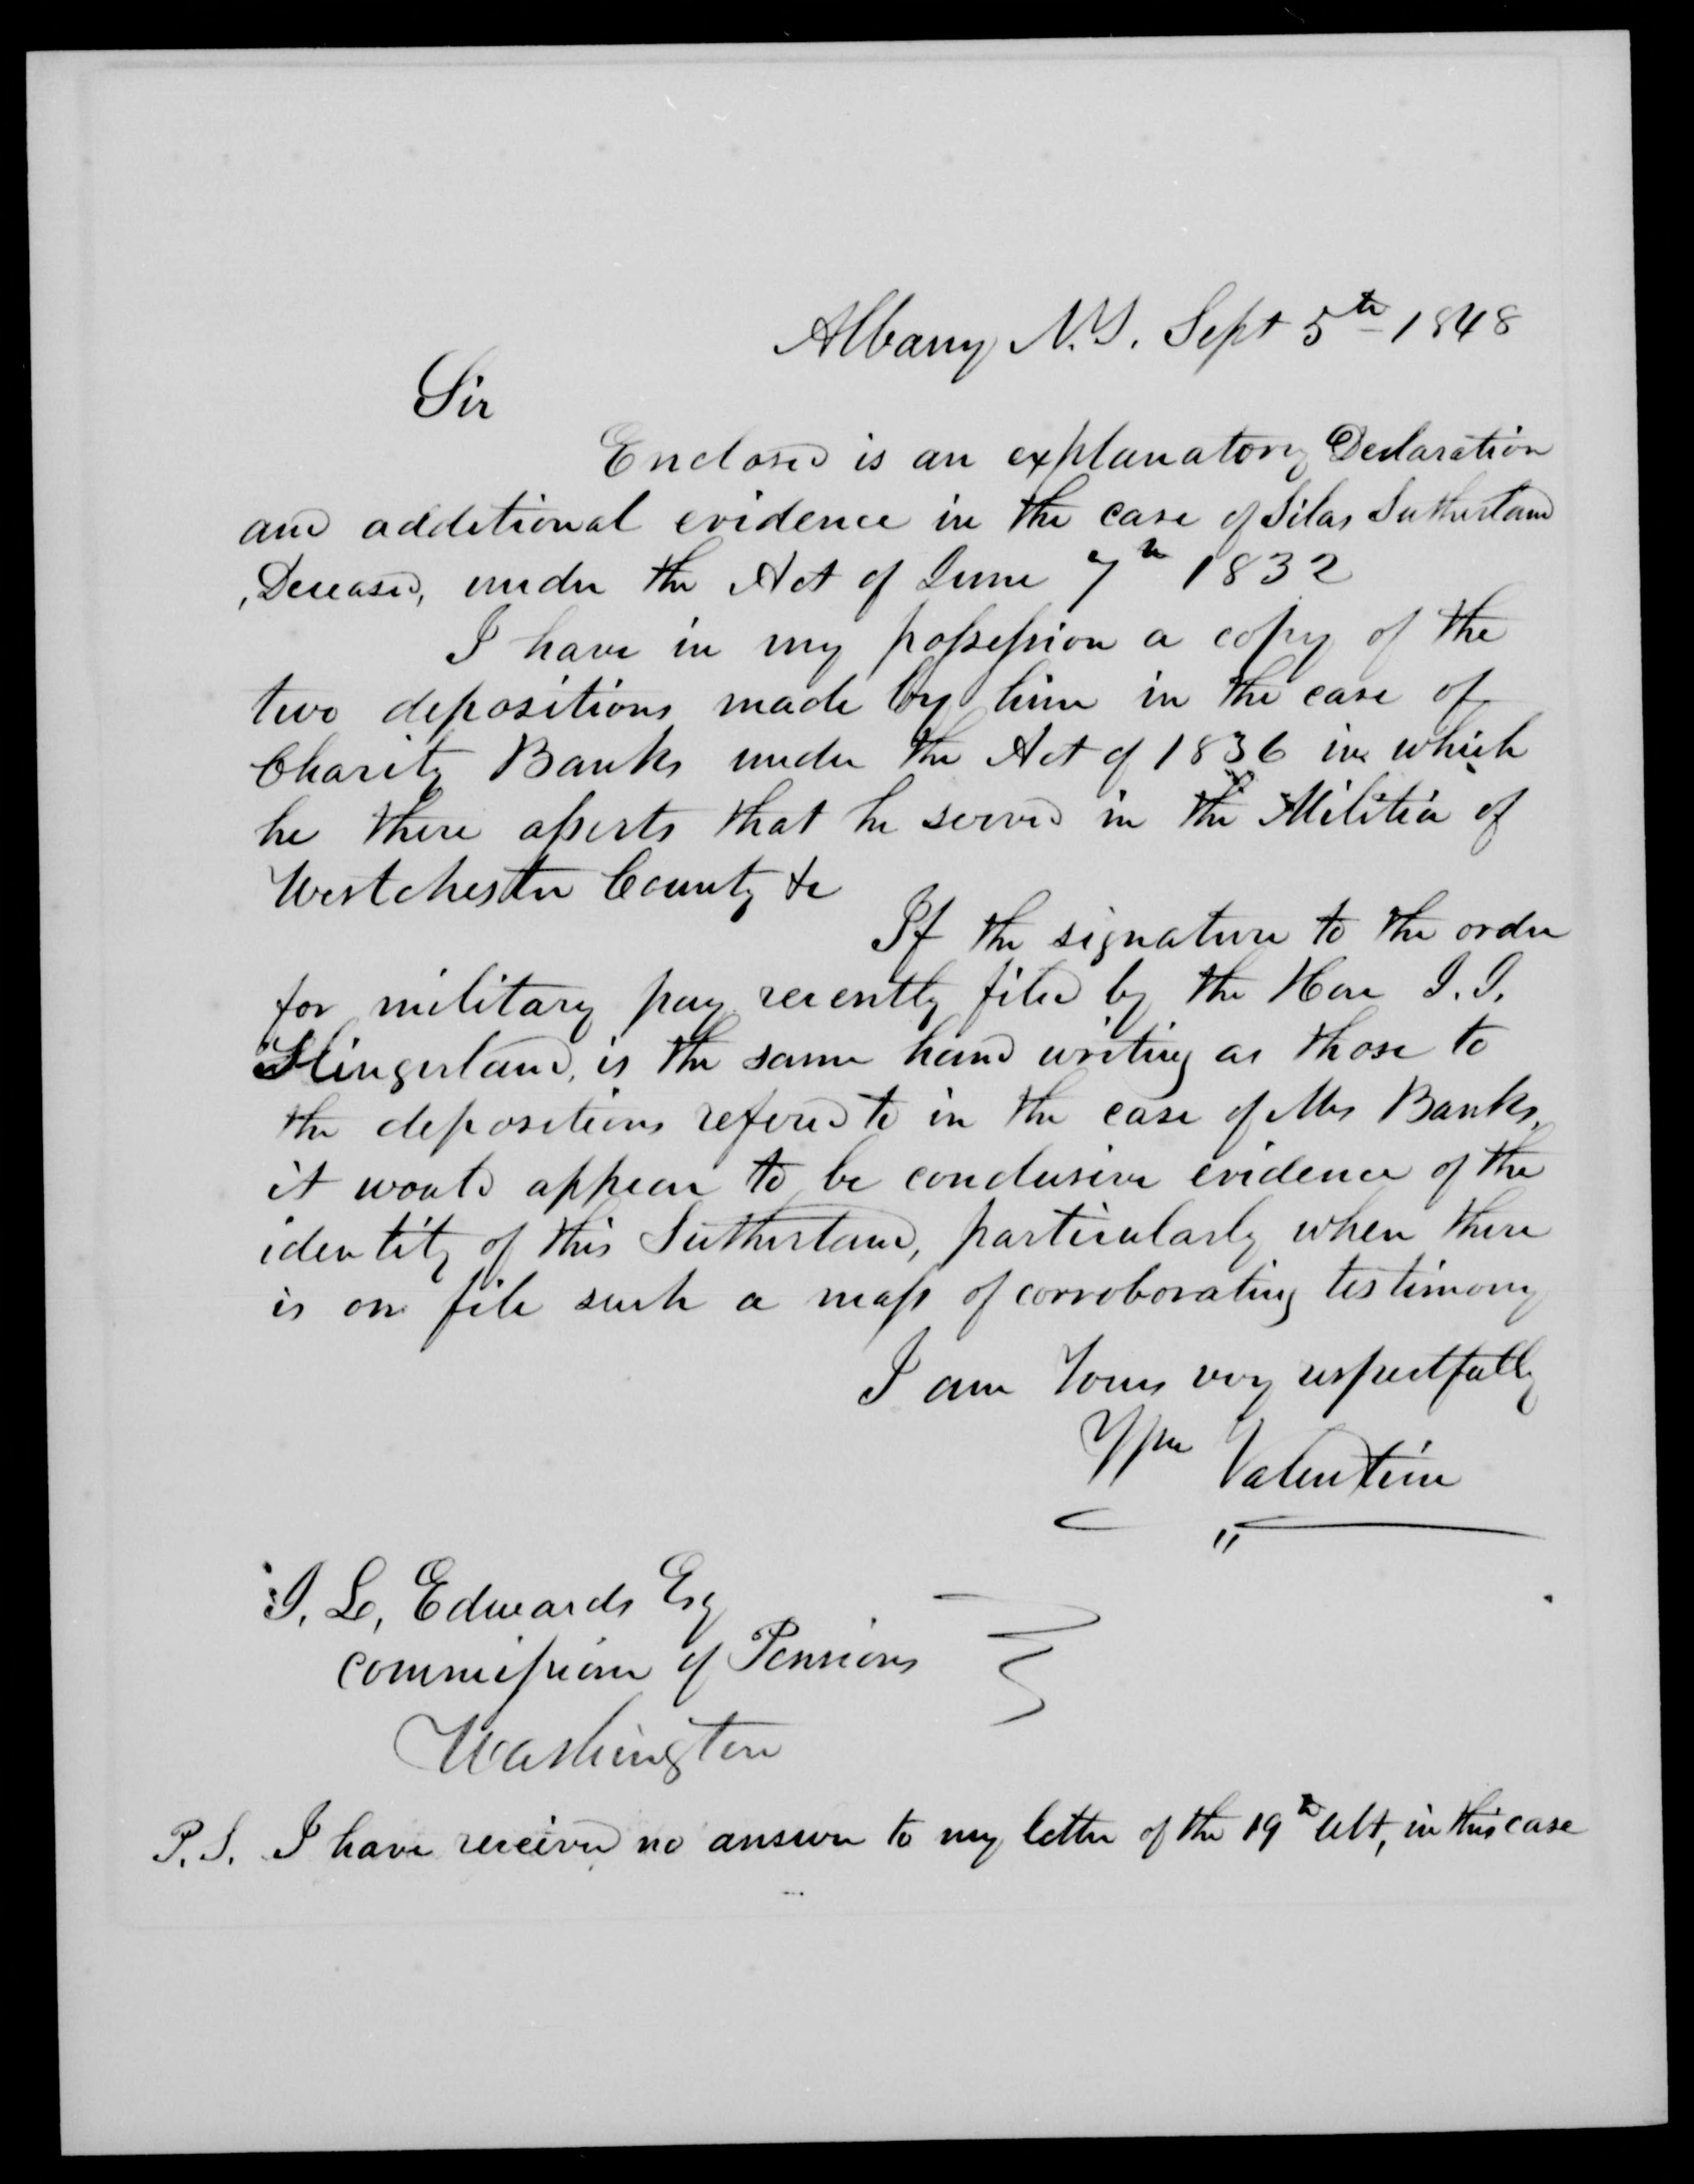Albany N.Y. Sept 5th 1848
Sir
  Enclosed is an explanatory Declaration and additional evidence in the case of Silas Sutherland, Deceased, under the Act of June 7th 1832.
  I have in my possession a copy of the two depositions made by him in the case of Charity Banks under the Act of 1836 in which he then asserts that he served in the Militia of Westchester County &c
  If the signature to the order for military pay recently filed by the Hon J.J. Slingerland is the same hand writing as those to the depositions referred to in the case of Mrs Banks, it would appear to be conclusive evidence of the identity of this Sutherland, particularly when there is on file such a mass of corroborating testimony
  I am Yours very respectfully
  Wm Valentine

J.L. Edwards Esq
Commissioner of Pensions
Washington

P.S. I have received no answer to my letter of the 19th ult. in this case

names: [BLANK] Sutherland; J J Slingerland; J L Edwards; [BLANK] Banks; Wm Valentine; Charity Banks; Silas Sutherland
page: 72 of 77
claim: survivor's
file: S. 23003, for Silas Southerland, New York